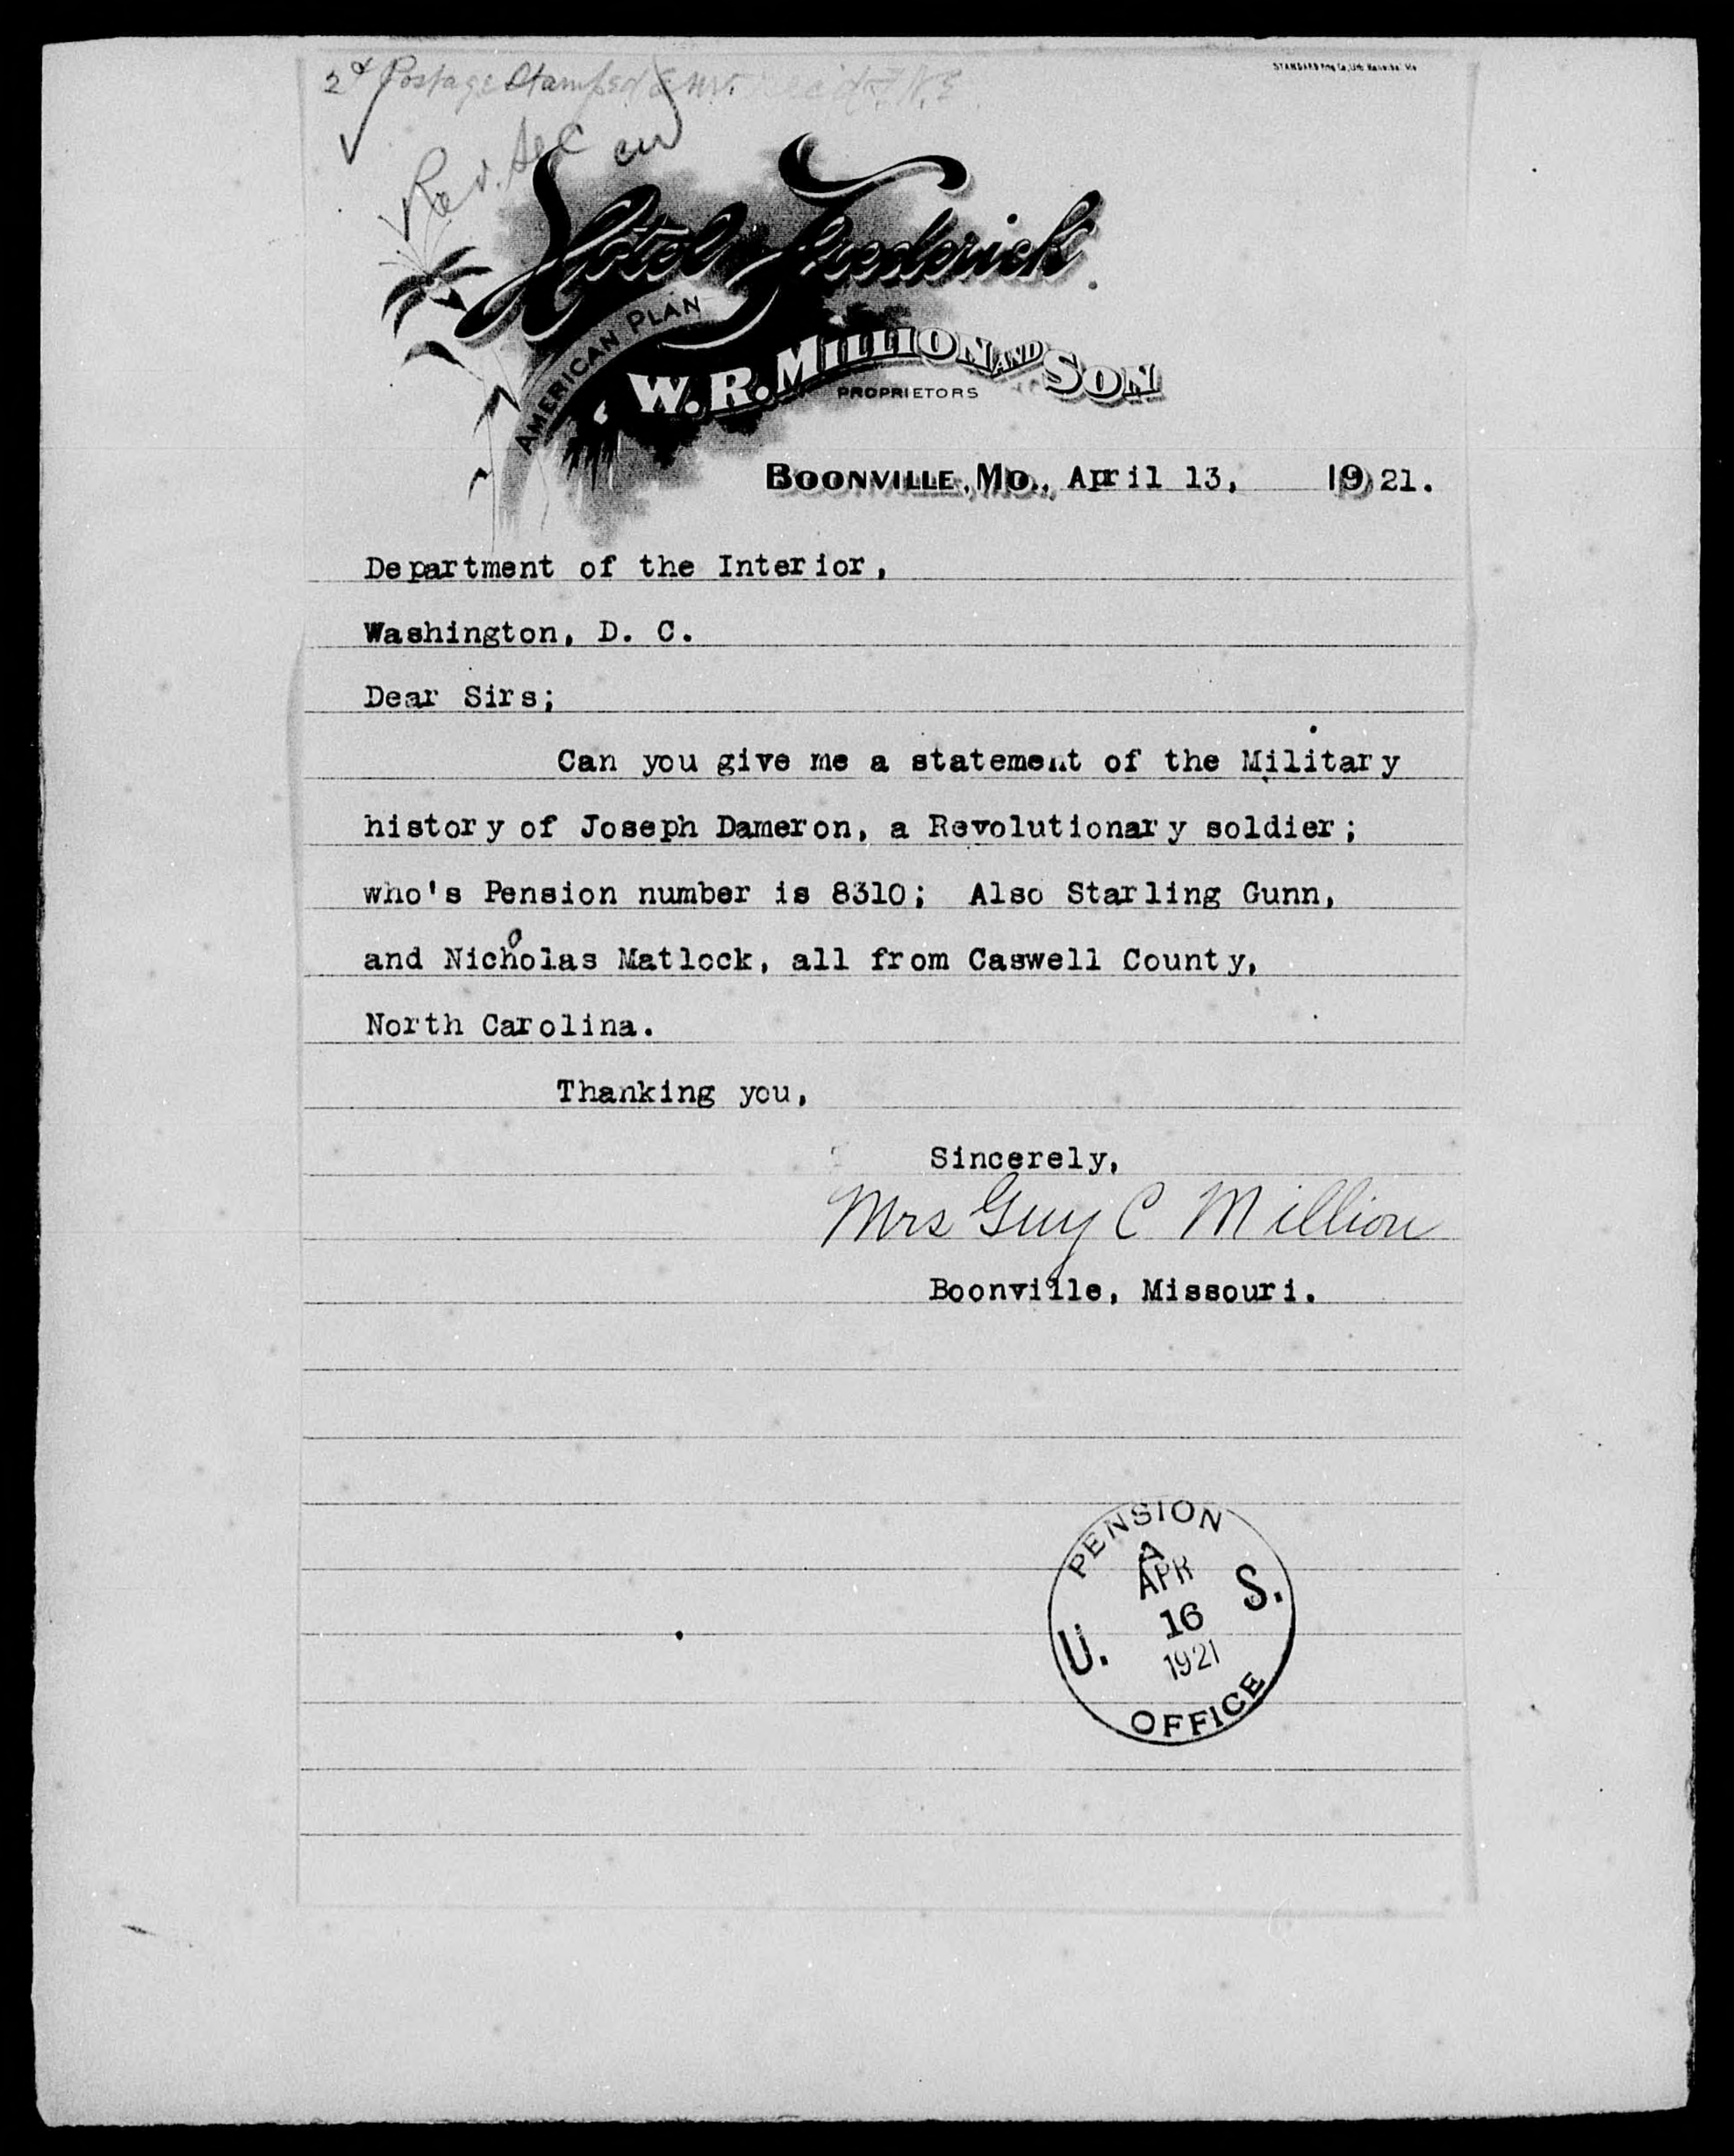STANDARD Pap Co, U4 [illegible]

2¢ Postage Stamped EMN rec'd F.N.E.
Rev. Sec cw
Hotel Frederick AMERICAN PLAN
W.R. MILLION AND SON  PROPRIETORS
BOONVILLE, MO., April 13, 1921.
Department of the Interior,
Washington, D. C.
Dear Sirs; Can you give me a statement of the Military history of Joseph Dameron, a Revolutionary soldier; who's Pension number is 8310; Also Starling Gunn, and Nicholas Matlock, all from Caswell County, North Carolina.
Thanking you,
Sincerely,
Mrs Guy C Million
Boonville, Missouri.

U.S. PENSION OFFICE
A  APR 16  1921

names: Nicholas Matlock, Joseph Dameron, Guy C Million, Starling Gunn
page: 50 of 58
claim: survivor's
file: S. 6,941, Starling Gunn, Continental Va.